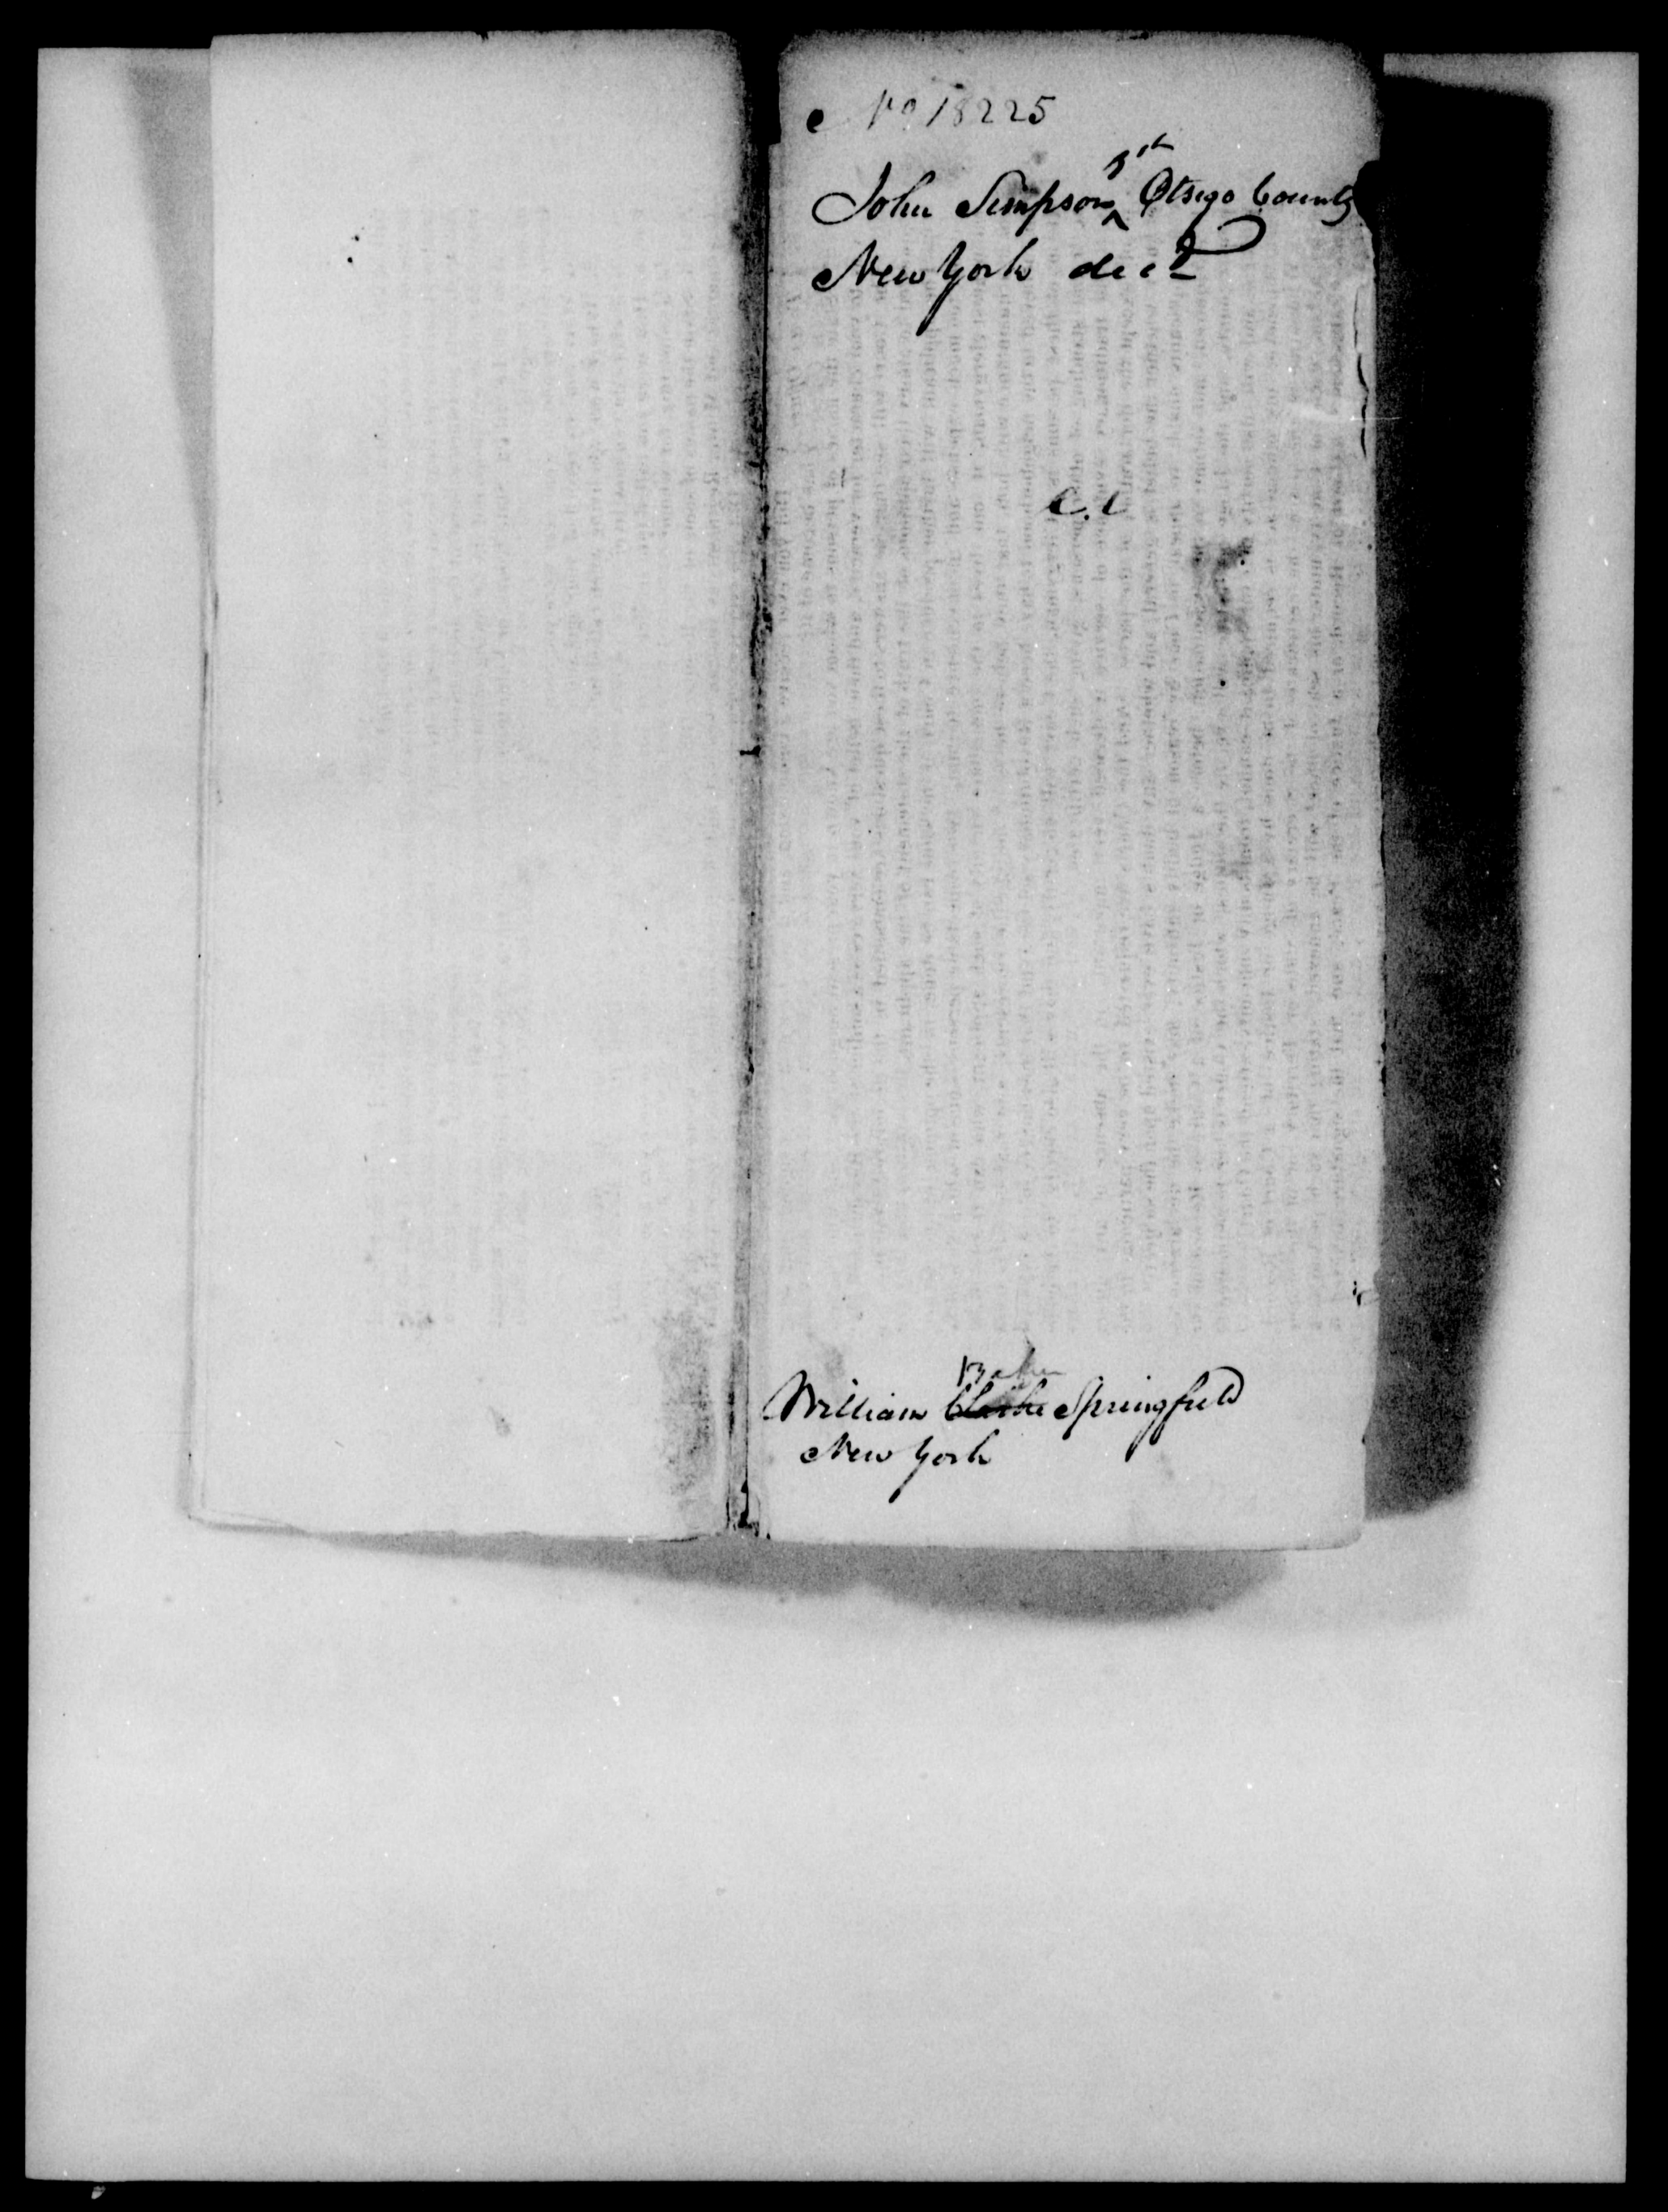No 18225
John Simpson of Otsego County New York decd.
[initials illegible]
William Baker ["Clarke" crossed out] Springfield New York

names: John Simpson; William Baker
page: 11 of 35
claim: rejected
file: R. 9601, for John Simson, New Jersey